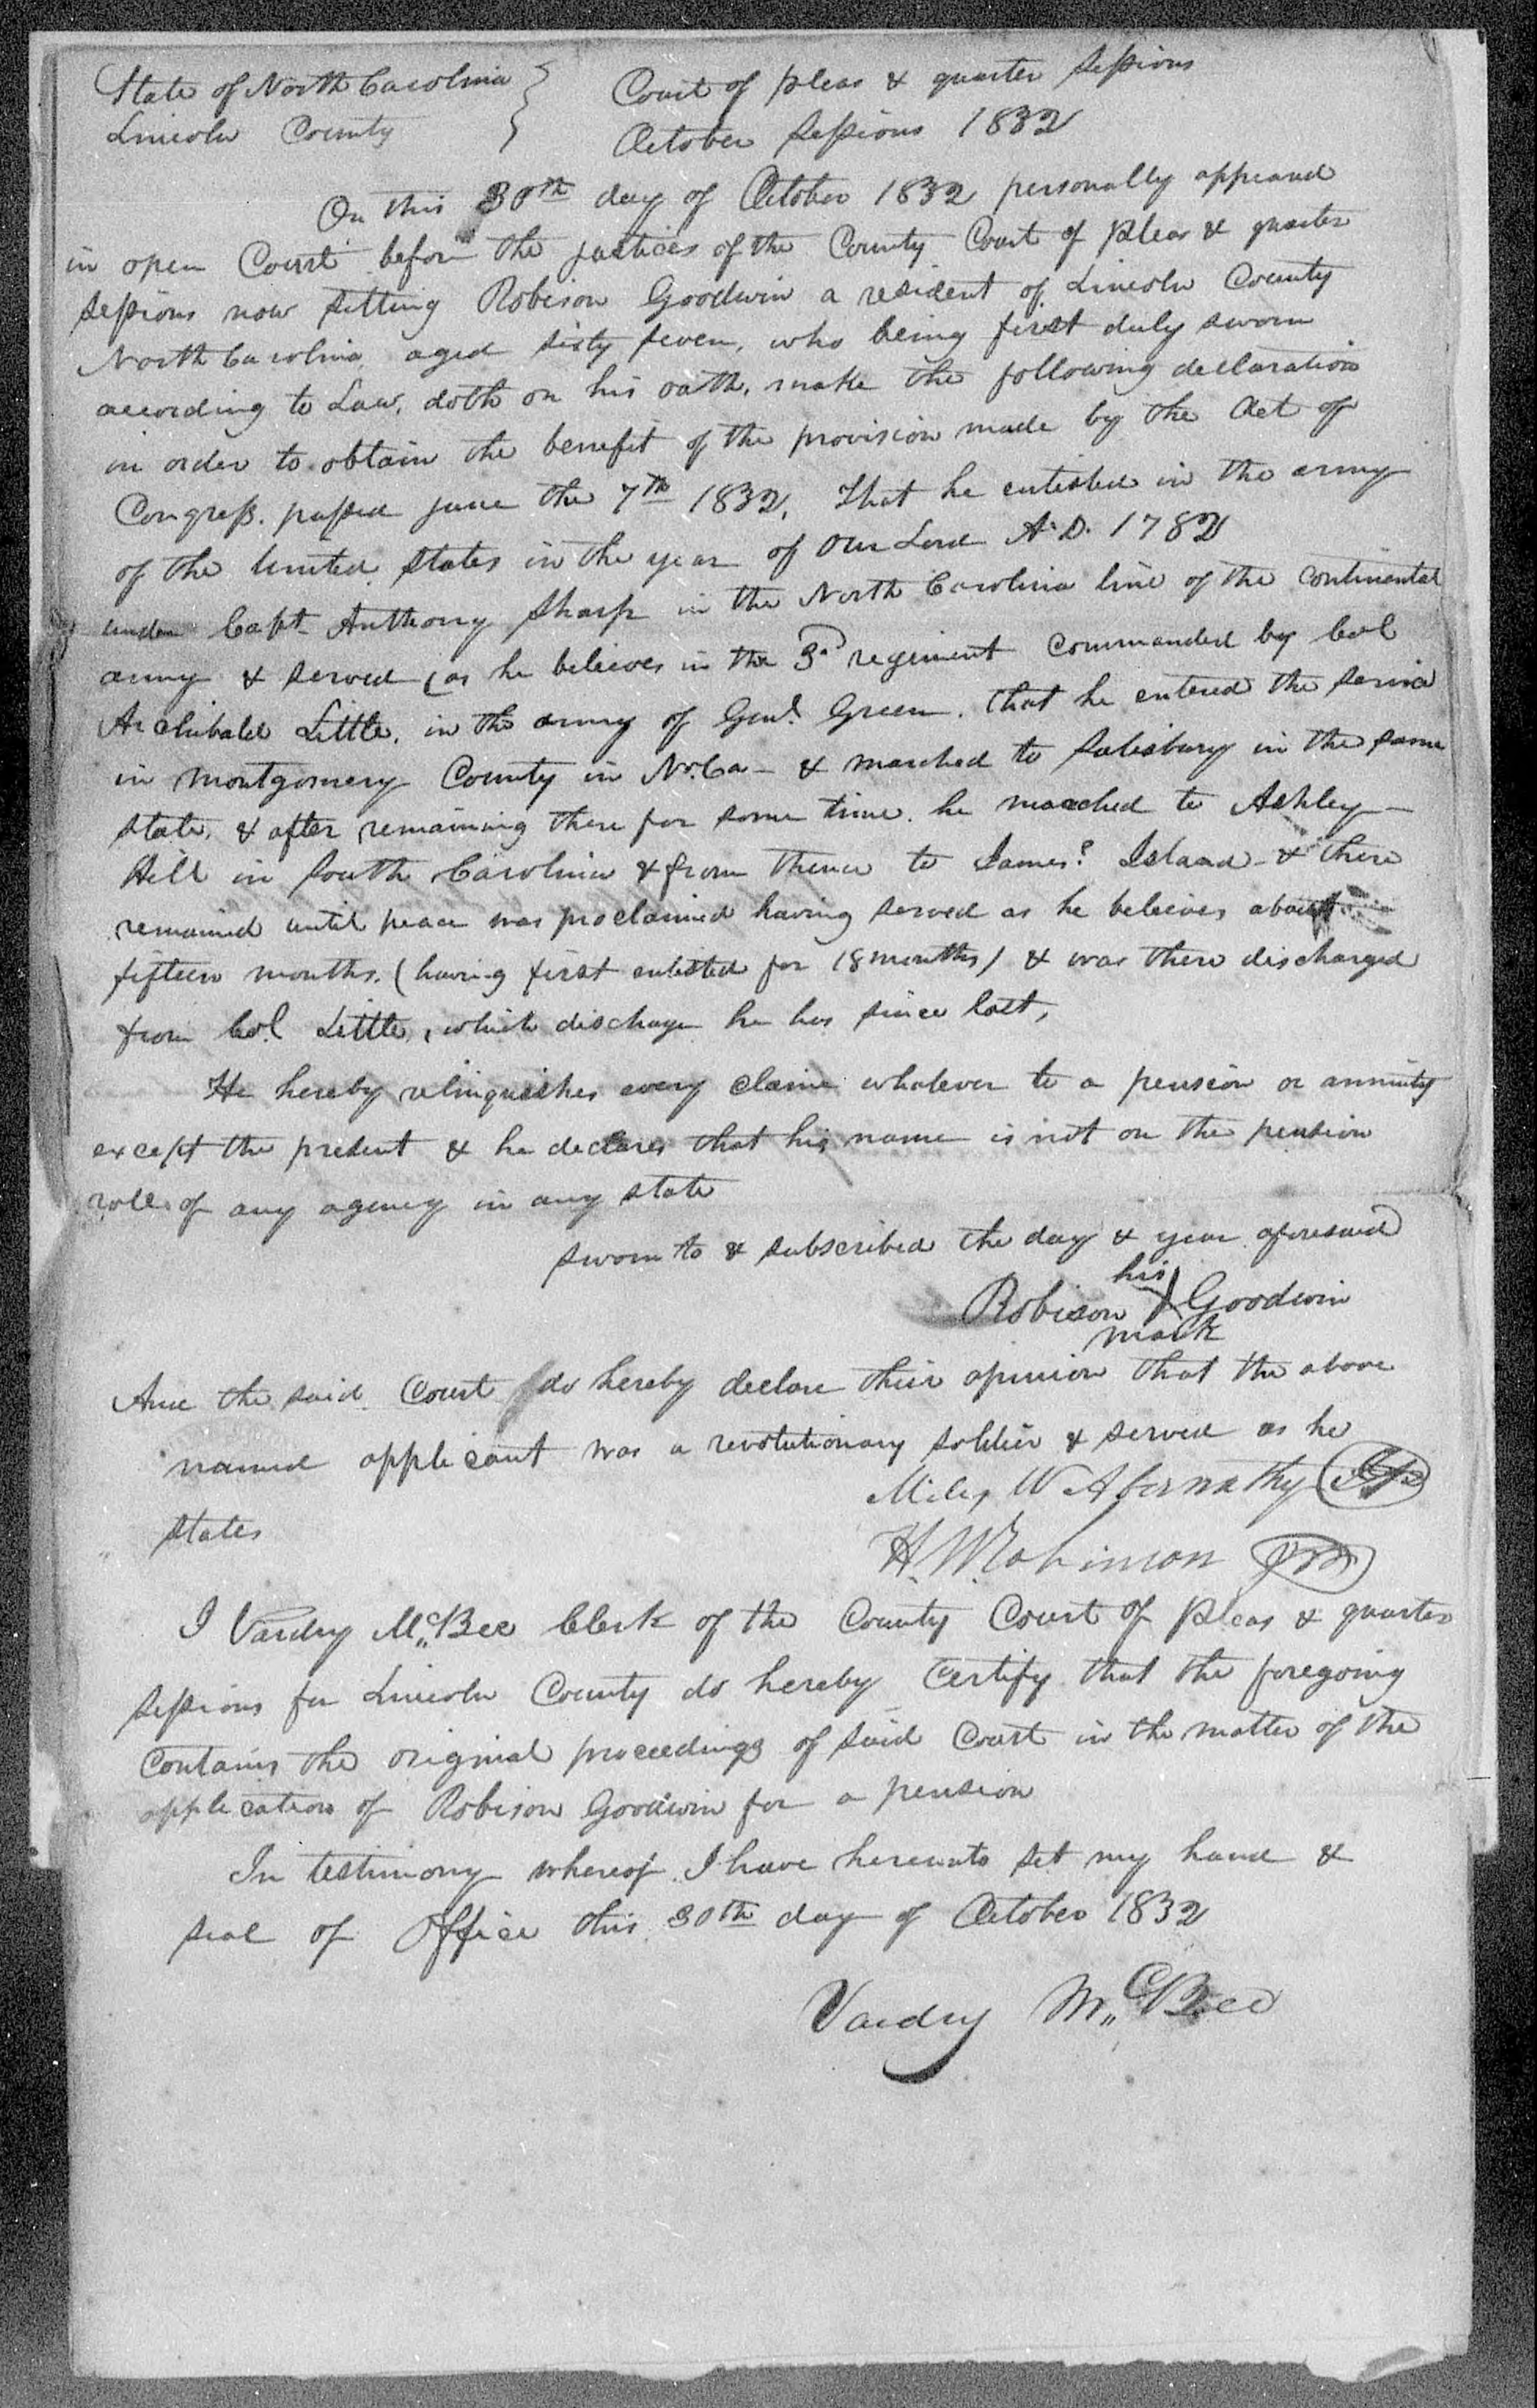State of North Carolina
Lincoln County

Court of pleas & quarter Sessions
October Sessions 1832
On this 30th day of October 1832 personally appeared
in open Court before the Justices of the County Court of pleas & quiter
sessions now sitting Robison Goodwin a resident of Lincoln County
North Carolina aged sixty seven, who being first duly sworn
according to Law, doth on his oath, make the following declaration
in order to obtain the benefit of the provision made by the Act of
Congress passed June the 7th 1832. That he enlisted in the army
of the United States in the year of our Lord A.D. 1782
under Capt Anthony Sharp in the North Carolina line of the continental
any & served as he believes in the 3d regiment commanded by Col
Archibald Little, in the army of Genl Green. that he entered the service
in Montgomery County in N. Ca. & marched to Salisbury in the same
State, & after remaining there for some time he marched to Ashley
Hill in South Carolina & from thence to James Island, & there
remained until peace was proclaimed having served as he believes about
fifteen months, (having first enlisted for 18 months, & was then discharged
from Col Little, which discharge he has since lost,
He hereby relinquishes every claim whatever to a pension or annuity
except the present & he declares that his name is not on the pension
all of any agency in any state
sworn to & subscribed the day & year aforesaid
Robison Goodwin
And the said Court do hereby declare their opinion that the above
named applicant was a revolutionary soldier & served as he
States
Miles W Abernathy
H. Mohimon
I Vardy McBee Clerk of the County Court of Pleas & quarter
sessions for Lincoln County do hereby certify that the foregoing
contains the original proceedings of said Court in the matter of the
application of Robison Goodwin for a pension
In testimony whereof I have hereunto set my hand &
seal of Office this 30th day of October 1832
Vardy Mr Bee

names: Green, Robison Goodwin, Little, Robison Goodwin, Archibald Little, Robison Goodwin, Vardry Mc Bee, Anthony Sharp, Miles W Abernathy, H W Robinson, Vardry Mc Bee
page: 4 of 16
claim: survivor's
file: S. 6,894, Robison Goodwin, N.C.